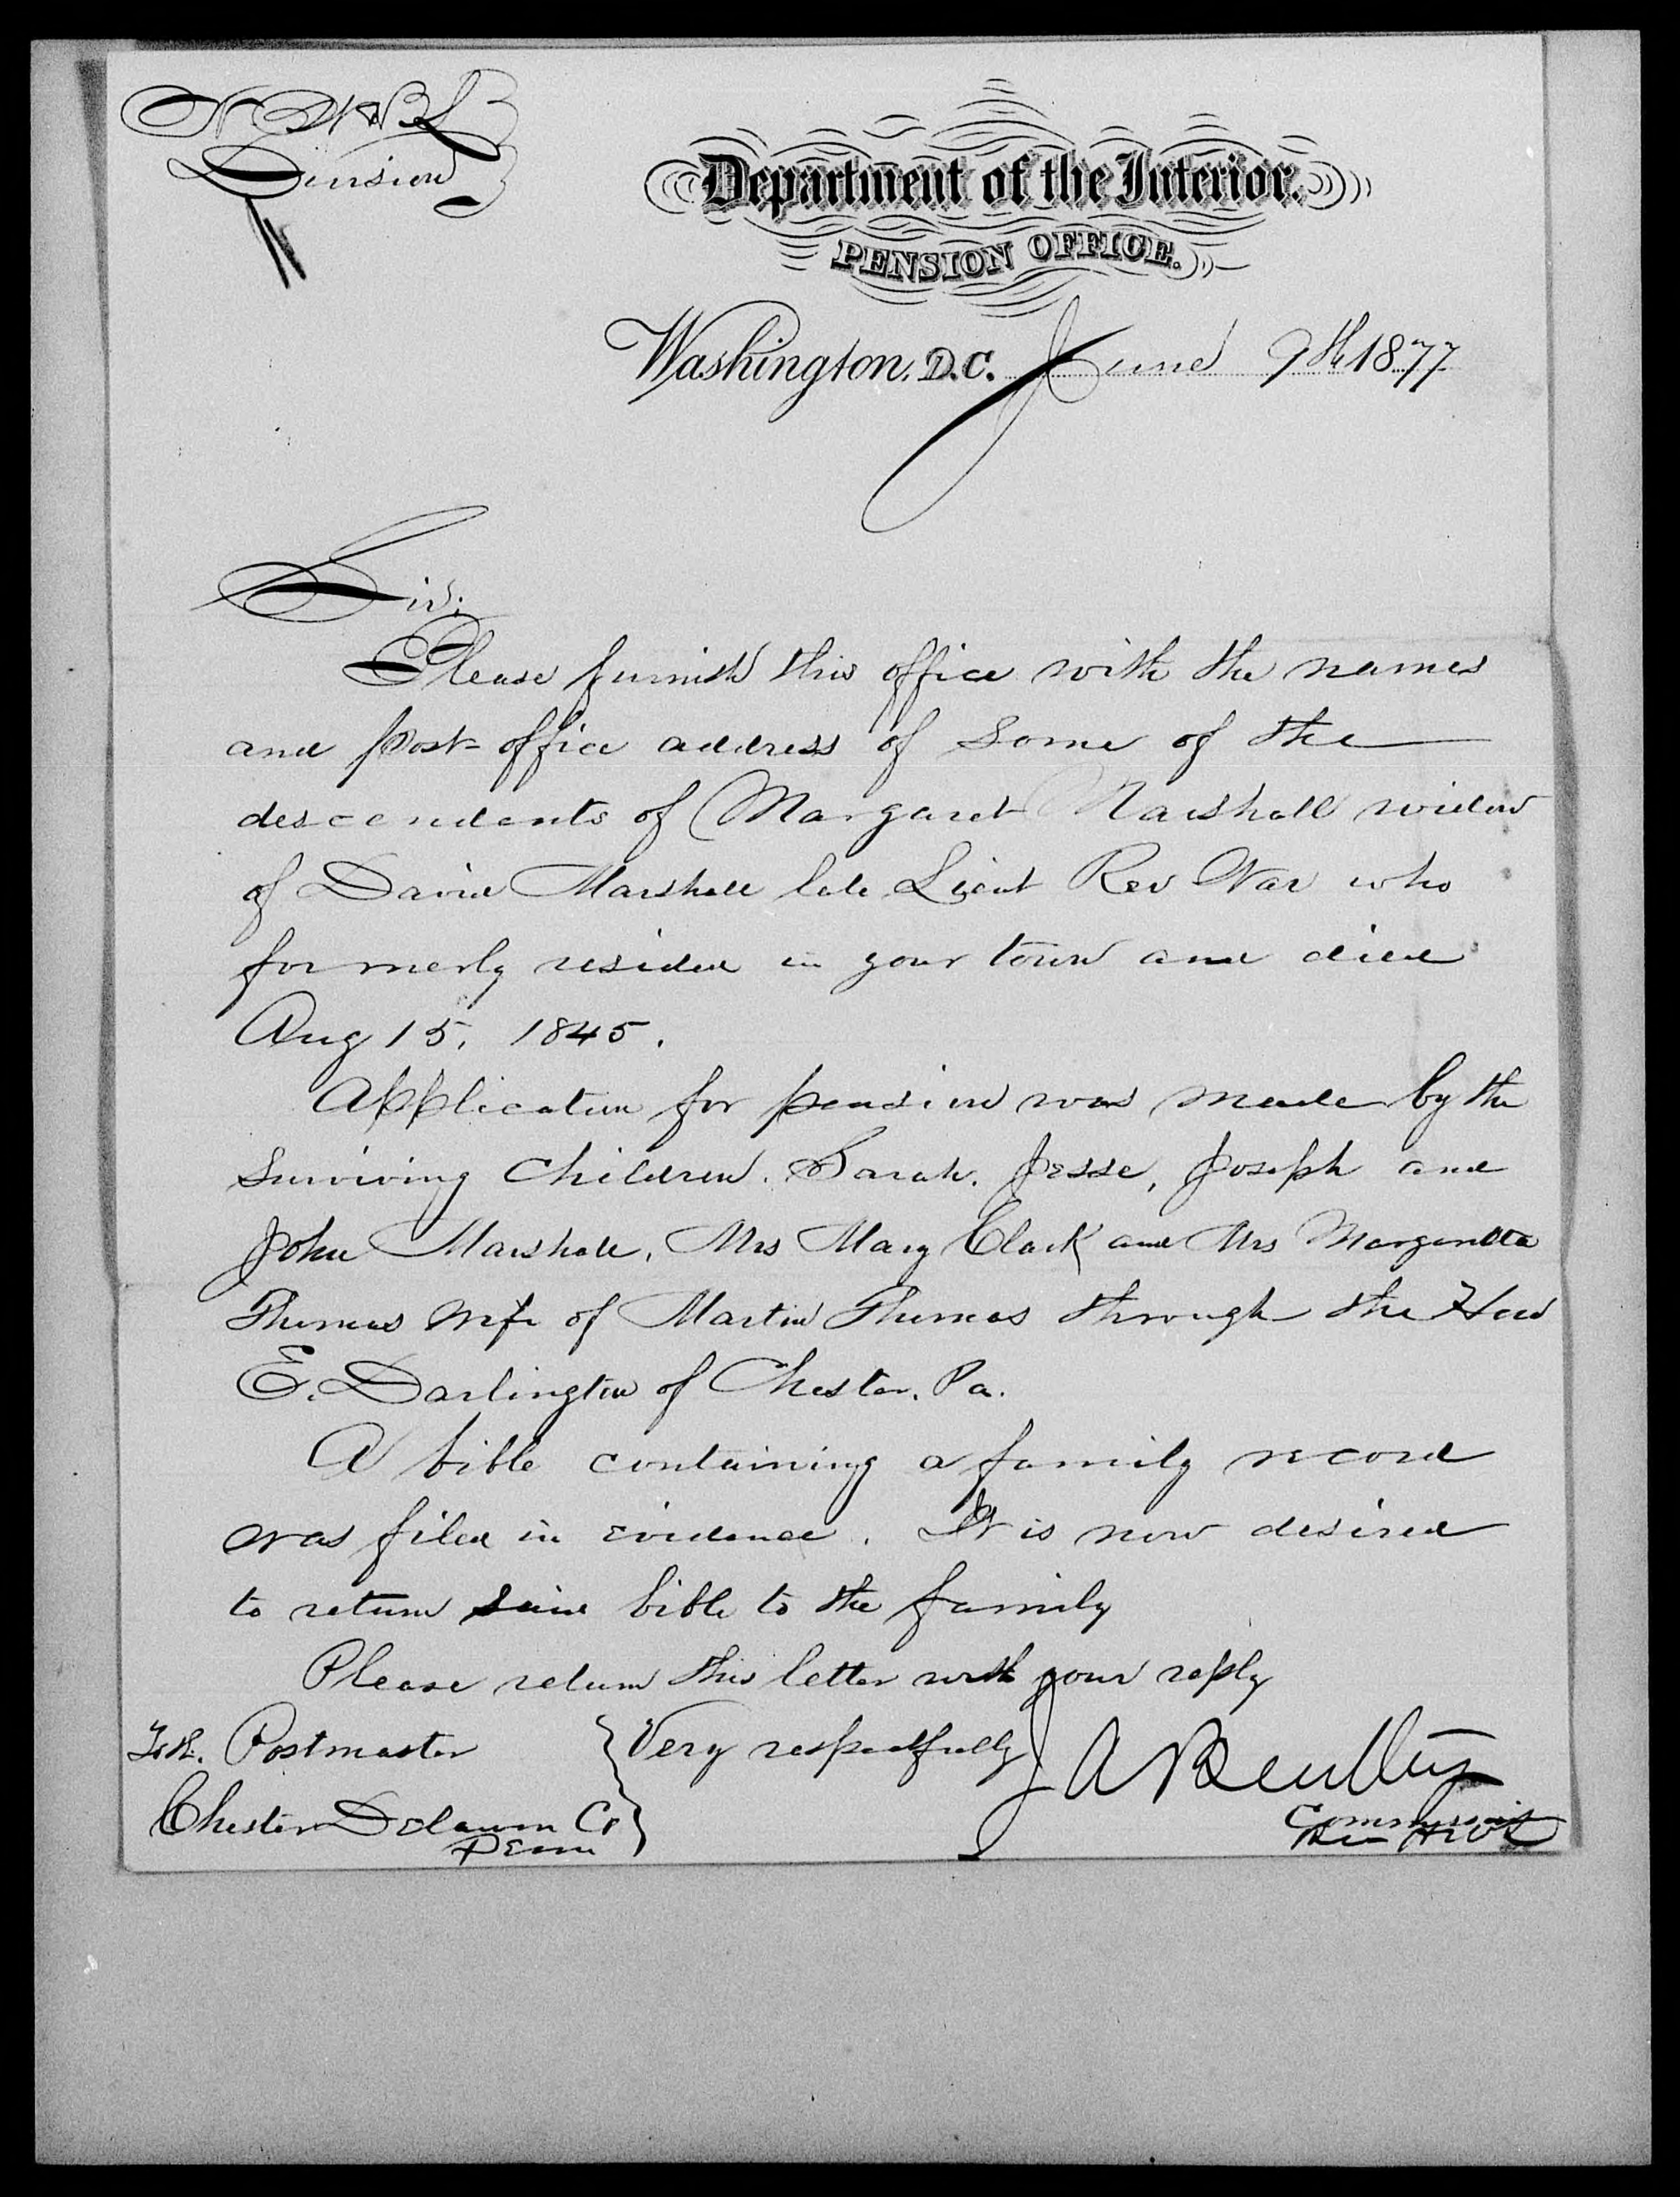[illegible]
Division

Department of Interior
Pension Office

Washington, D.C. June 9th 1877

Sir:

Please furnish this office with the names and post-office address of some of the descendents of Margaret Marshall widow of David Marshall late Lieut Rev War who formerly resided in your town and died Aug 15, 1845.

Application for pension was made by the survivigin children, Sarah, Jesse, Joseph and John Marshall, Mrs. Mary Clark and Mrs. Margaret Thomas wife of Martin Thomas through the Hon. E Darlington of Chester, Pa.

A bible containing a family record was filed in evidence. It is now desired to return said bible to the family.

Please return this letter with your reply

Very respectfully
J.A. Bentley
Commissioner

To the Postmaster
Chester
Delaware Co
Penn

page: 36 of 86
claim: widow's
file: W. 3571, for David Marshall, Pennsylvania